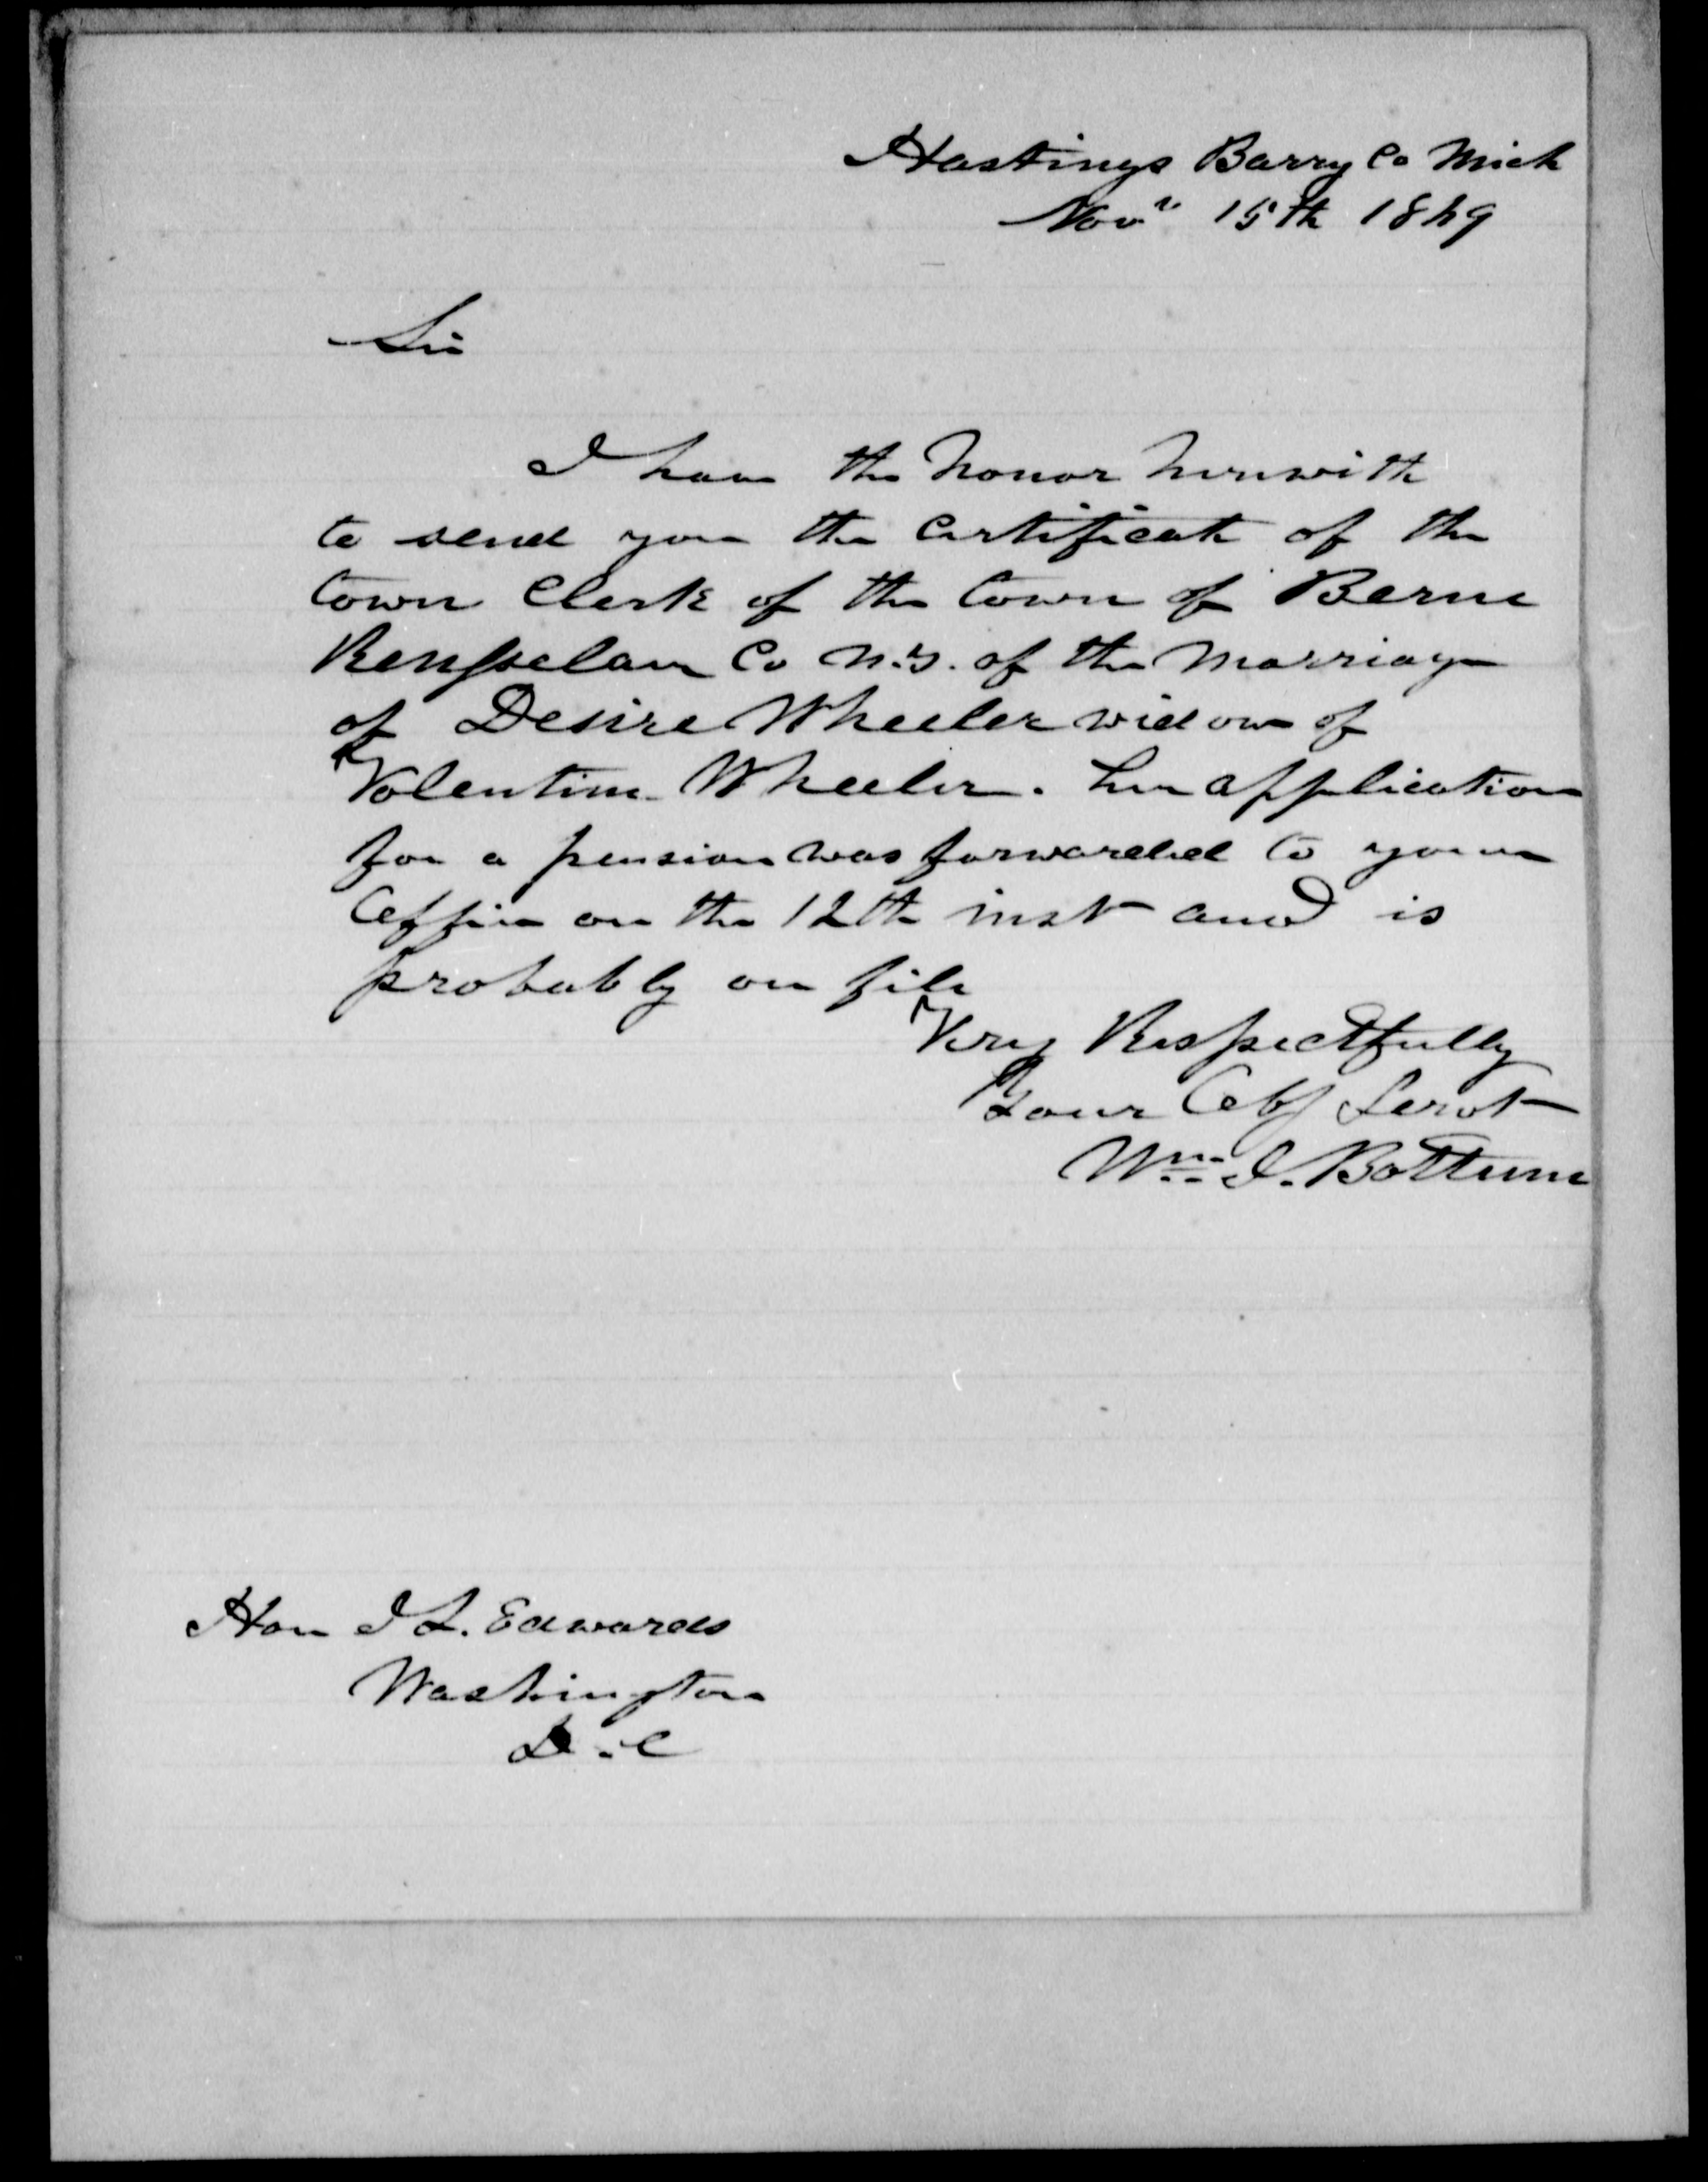Hastings Barry Co. Mich.
Nov. 15th 1849

Sir
I have the honor herewith to send you the certificate of the town Clerk of the Town of Berne Rensselar Co. N. Y. of the marriage of Desire Wheeler widow of Valentine Wheeler. Her application for a pension was forwarded to your office on the 12th inst. and is probably on file.
Very Respectfully
Wm. J. Bottum

Hon. J. L. Edwards
Washington D. C.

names: Volentine Wheeler, Wm J Bottum, J L Edwards, Desire Wheeler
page: 63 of 98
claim: widow's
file: W. 1682, Valentine Wheeler, Mass.